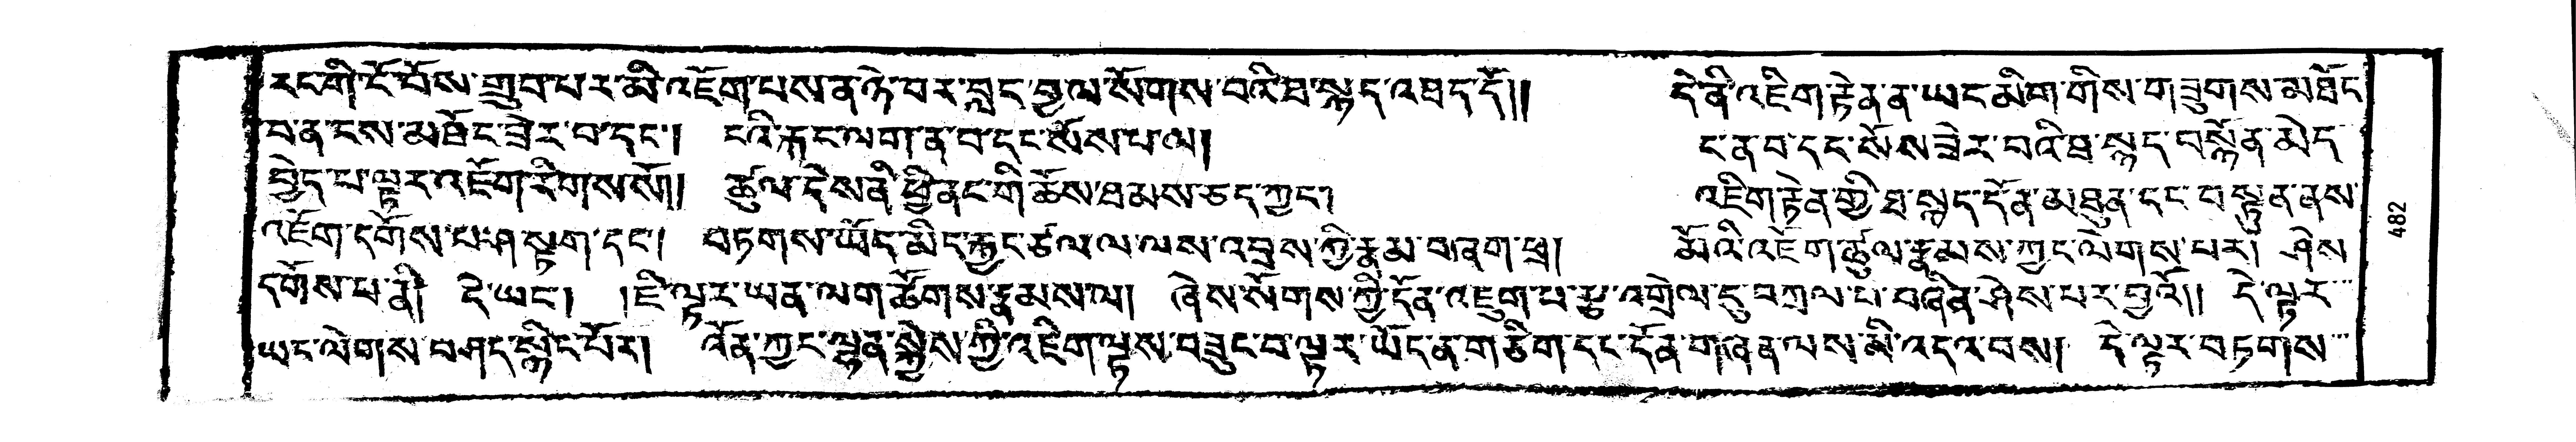རང་གི་ངོ་བོས་གྲུབ་པར་མི་འཇོག་པས་ན་ཉེ་བར་བླང་བྱ་ལ་སོགས་བའི་ཐ་སྙད་འཐད་དོ། །དེ་ནི་འཇིག་རྟེན་ན་ཡང་མིག་གིས་གཟུགས་མཐོང་
བ་ན་ངས་མཐོང་ཟེར་བ་དང་། ངའི་རྐང་ལག་ན་བ་དང་སོས་པ་ལ། ང་ན་བ་དང་སོས་ཟེར་བའི་ཐ་སྙད་བསྙོན་མེད་
བྱེད་པ་ལྟར་འཇོག་རིགས་སོ། །ཚུལ་དེས་ནི་ཕྱི་ནང་གི་ཆོས་ཐམས་ཅད་ཀྱང་། འཇིག་རྟེན་གྱི་ཐ་སྙད་དོན་མཐུན་དང་བསྟུན་ནས་
འཇོག་དགོས་པ་ཤ་སྟག་དང་། བཏགས་ཡོད་མིང་རྐྱང་ཙལ་ལ་ལས་འབྲས་ཀྱི་རྣམ་བཞག་ཕྲ། མོའི་འཇོག་ཚུལ་རྣམས་ཀྱང་ལེགས་པར། ཤེས་
དགོས་པ་ནི། དེ་ཡང་། །ཇི་ལྟར་ཡན་ལག་ཚོགས་རྣམས་ལ། ཞེས་སོགས་ཀྱི་དོན་འཇུག་པ་རྩ་འགྲེལ་དུ་བཀྲལ་པ་བཞིན་ཤེས་པར་བྱའོ། །དེ་ལྟར་
ཡང་ལེགས་བཤད་སྙིང་པོར། འོན་ཀྱང་ལྷན་སྐྱེས་ཀྱི་འཇིག་ལྟས་བཟུང་བ་ལྟར་ཡོད་ན་གཅིག་དང་དོན་གཞན་ལས་མི་འདའ་བས། དེ་ལྟར་བཏགས་